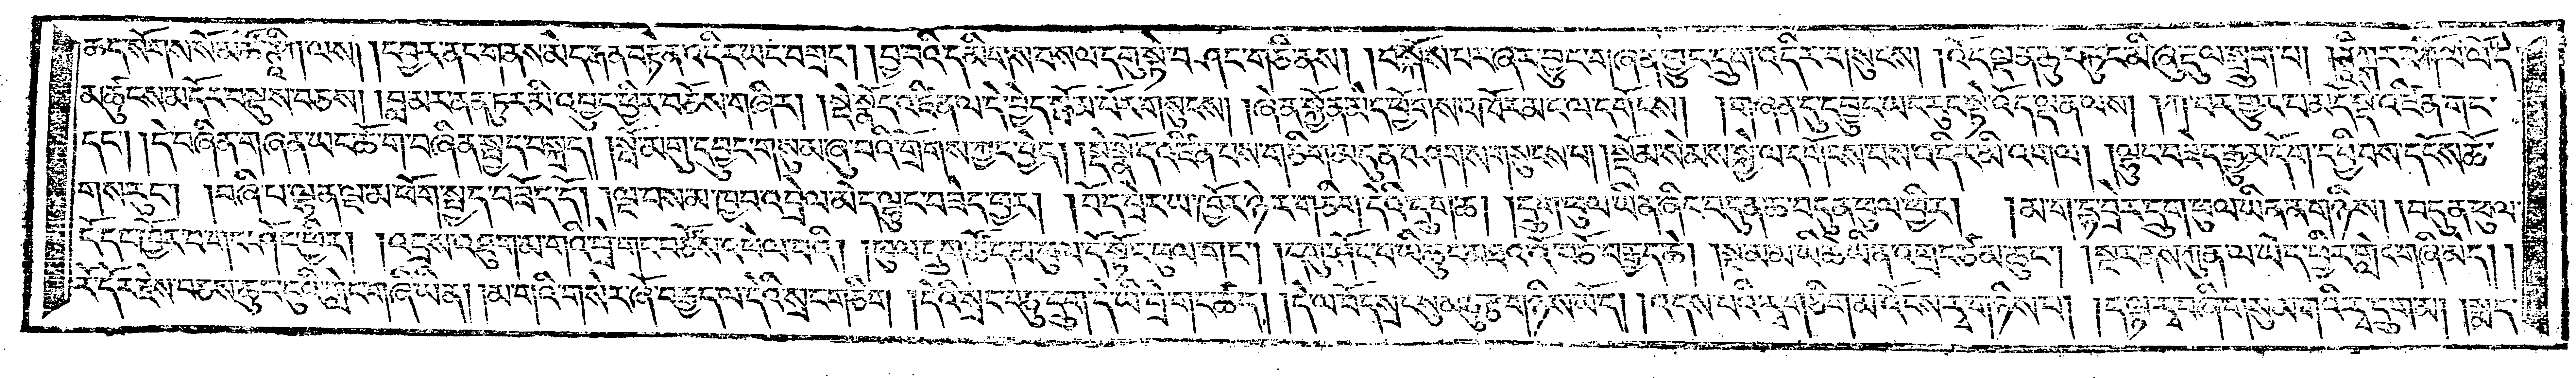ཆང་སོགས་སོ་མཚོ་ཊཱིཀ་ལས། །དབྱར་ནང་གནས་མད་རྒན་བརྟེན་འདིར་ཡང་བགྲང་། །བྱ་བའི་དམིགས་བསལ་དགུ་སྟེ་བཤད་གཙོ་ནས། །ང་སྐོས་པར་ཞར་བྱུང་གཞན་བྱུང་དྲུག་འདིར་གསུངས། འོད་ལྡན་ཆུ་བཏུང་མི་ཞུ་རྡུལ་སྤྲུག་པ། །ཊཱིཀྐར་བཀོལ་ལོ་དེ་
མཚུངས་མདོར་བསྡུས་བཅས། །བླ་མར་ནན་ཏུར་མི་འབྱུང་ཕྱིར་བཅོས་གཞིར། །སྡེ་སྣོད་འཛིན་ལ་དེ་དེ་སྲོམ་པོར་གསུངས། །ཞེ་ན་སྐྱོན་མེད་ཕྱོགས་འཁོར་མད་ལ་དགོངས། །གཞན་དུ་དབྱུང་ཡང་རུང་སྟེ་འོད་ལྡན་ལས། །ཀ་དར་གྱུར་པ་མདོ་སྡེ་འཛིན་གར་
དང་། །ང་བཞིན་གཞན་ཡང་ཆོ་ག་བཞིན་སྤྱད་བསྐྲད། །སྤོ་མགུ་དབྱུང་གསུམ་ཞུ་བའི་གྲོགས་ཀྱང་བྱེད། །སྡེ་སྣོད་འཛིན་པས་གཅིག་མདུན་བཤགས་གསུངས་པ། །སྔོམ་སེམས་སྐྱེ་ལ་དགོངས་པས་འདིར་མི་འགལ། །ལྷུང་བཟེད་རྒྱུ་མ་དོག་དབྱིབས་དངོས་ཆོ་
གས་རུང་། །བཞི་པ་ལྷན་ལྔ་མ་ཕོག་སྤྱད་བཟོད་དོ། །ལྔ་པས་ཁྱབ་འབྲེལ་མེད་ལྷུང་བཟད་ཕྱར། །བོད་བྲེར་ཡ་ཁྱོར་ཉེར་གཅིག་དེའི་དྲུག་ཆ། །དྲུག་ཕུལ་ཡིན་ཞིང་བདུན་ཆ་བདུན་ཕུལ་ཕྱིར། །མ་ག་དྷ་བྲེར་དྲུག་ཕུལ་ཡིན་ན་གཉིས། །བདུན་སུམ་
དོ་དང་ཁྱོར་བ་གང་ཤོད་ཕྱིར། །འབྲས་འཐུག་མ་གའི་བྲེ་གང་བཙོས་འཕྲེལ་བའི། །ཕུལ་དྲུག་ཚོད་མ་ཕུལ་དོ་སྟོང་ཕུལ་གང་། །དགུ་ཤོང་བ་ཡི་ཆུང་མཐའ་འོ་བཅོ་བརྒྱད་ཆེ། །སྔ་མ་མ་ཡི་ཚེ་ཡིན་འགྲང་ཙམ་ཆུང་། །སྔར་ནས་ཀུན་ལ་ཡོངས་ཕྱིར་གླེང་གཞི་མེད།།
རོ་དོར་རྗེས་བཅས་ཆུང་དུའི་གླེང་གཞི་ཡིན། །མ་གའི་གསེར་ཞོ་བརྒྱད་ལ་དའི་སྲང་གཅིག །དེའི་སྲང་བཅུ་དྲུག་དེ་ཡི་བྲེ་གང་ཚད། །དེ་ལ་བོད་སྲང་སུམ་ཅུ་རྩ་གཉིས་ཡོད། །འདས་པའི་རྭ་གཅིག་མ་འོངས་རྭ་གཉིས་བ། །ད་ལྟ་རྭ་བཞི་གསུམ་གའི་དྲུགས། །སྨ་